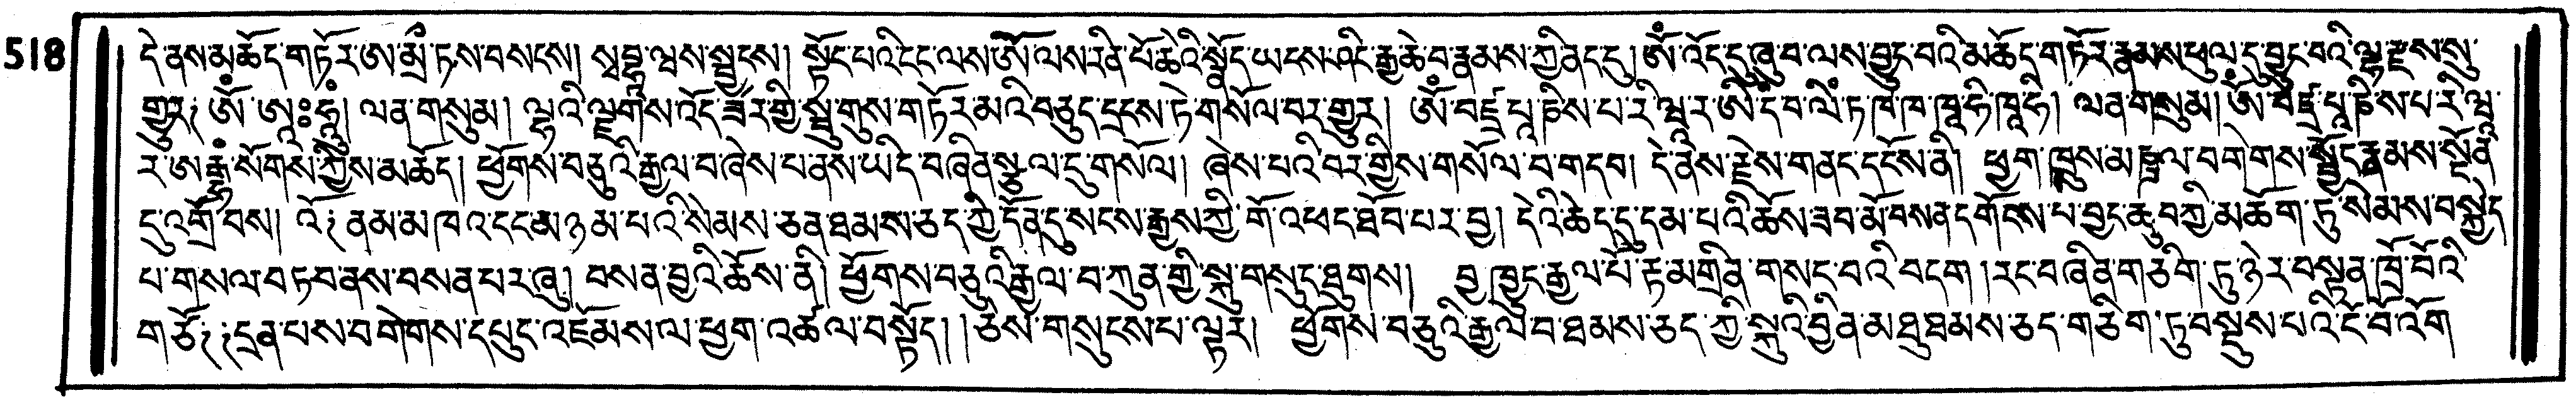དེ་ནས་མཆོད་གཏོར་ཨ་མྲྀ་ཏས་བསངས། སྭབྷཱ་ཝས་སྦྱངས། སྟོང་པའི་ངང་ལས་ཨོ་ལས་རིན་པོ་ཆེའི་སྣོད་ཡངས་ཤིང་རྒྱ་ཆེ་བ་རྣམས་ཀྱི་ནང་དུ། ཨོཾ་འོད་དུ་ཞུ་བ་ལས་བྱུང་བའི་མཆོད་གཏོར་རྣམས་ཕུལ་དུ་བྱུང་བའི་ལྷ་རྫས་སུ་
གྱུར༑ ཨོཾ་ཨཱཿཧཱུཾ། ལན་གསུམ། ལྷའི་ལྗགས་འོད་ཟེར་གྱི་སྦུ་གུས་གཏོར་མའི་བཅུད་དྲངས་ཏེ་གསོལ་བར་གྱུར། ཨོཾ་བཛྲ་པཱ་ཎི་ས་པ་རི་ཝཱ་ར་ཨི་དཾ་བ་ལིཾ་ཏ་ཁ་ཁ་ཁཱ་ཧི་ཁཱ་ཧི། ལན་གསུམ། ཨོཾ་བཛྲ་པཱ་ཎི་ས་པ་རི་ཝཱ་
ར་ཨརྒྷཾ་སོགས་ཀྱིས་མཆོད། ཕྱོགས་བཅུའི་རྒྱལ་བ་ཞེས་པ་ནས་ཡིད་བཞིན་སྩལ་དུ་གསོལ། ཞེས་པའི་བར་གྱིས་གསོལ་བ་གདབ། དེ་ནས་རྗེས་གནང་དངོས་ནི། ཕྱག་ཁྲུས་མཎྜལ་བགེགས་སྤྱོད་རྣམས་སྔོན་
དུ་འགྲོ་བས། འོ༑ ནམ་མཁའ་དང་ངང་མཉམ་པའི་སེམས་ཅན་ཐམས་ཅད་ཀྱི་དོན་དུ་སངས་རྒྱས་ཀྱི་གོ་འཕང་ཐོབ་པར་བྱ། དེའི་ཆེད་དུ་དམ་པའི་ཆོས་ཟབ་མོ་བསན་དགོངས་པ་བྱང་ཆུབ་ཀྱི་མཆོག་ཏུ་སེམས་བསྐྱེད་
པ་གསལ་བཏབ་ནས་བསན་པར་ཞུ། བསན་བྱའི་ཆོས་ནི། ཕྱོགས་བཅུའི་རྒྱལ་བ་ཀུན་གྱི་སྐུ་གསུང་ཐུགས། བྱ་ཁྱུང་རྒྱལ་པོ་རྟ་མགྲིན་གསང་བའི་བདག །རང་བཞིན་གཅིག་ཏུ་ཉེར་བསྟན་ཁྲོ་བོའི་
གཙོ༑ ༑དྲན་པས་བགེགས་དཔུང་འཇོམས་ལ་ཕྱག་འཚལ་བསྟོད། །ཅེས་གསུངས་པ་ལྟར། ཕྱོགས་བཅུའི་རྒྱལ་བ་ཐམས་ཅད་ཀྱི་སྐུའི་བྱིན་མཐུ་ཐམས་ཅད་གཅིག་ཏུ་བསྡུས་པའི་ངོ་བོ་འོག་